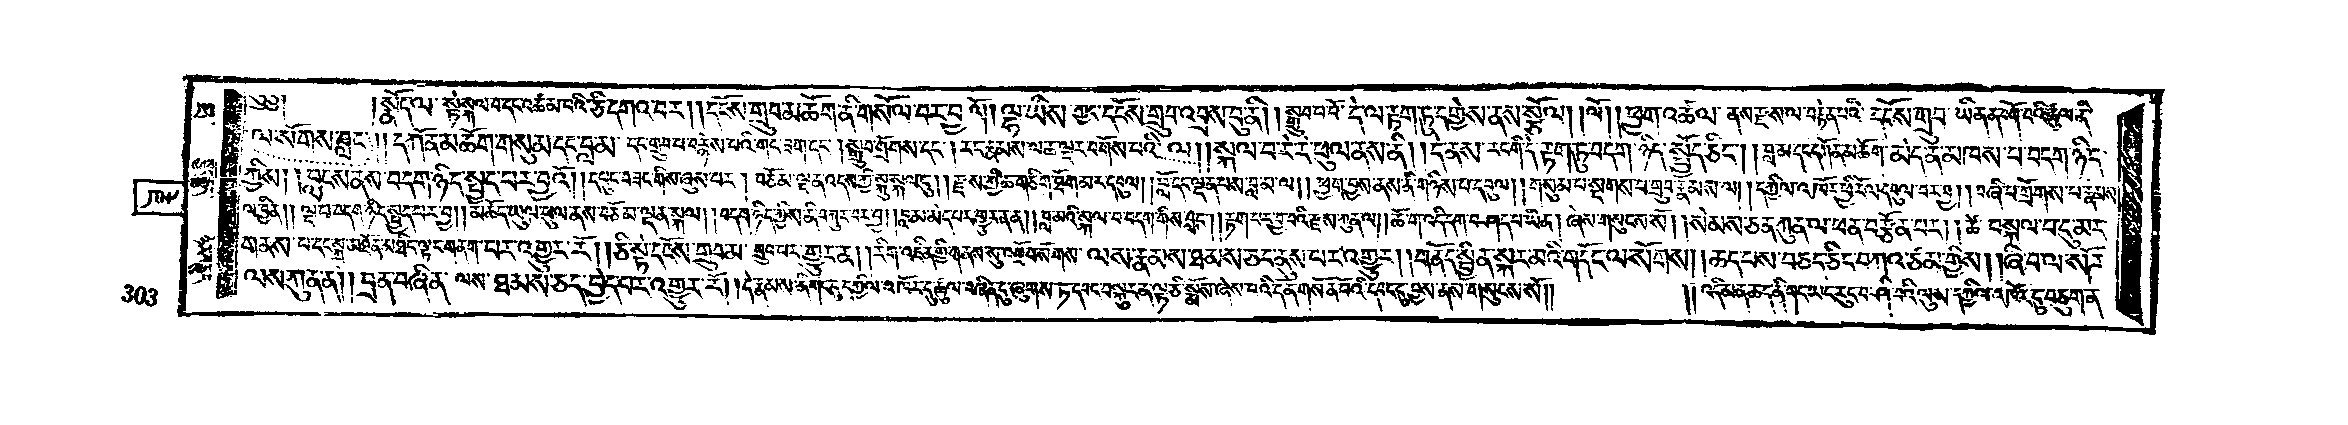༄༅། །སྣོད་ལ་སྟེ་སྐལ་བ་དང་འཚམ་པའི་ཅི་དགའ་བར། །དངོས་གྲུབ་མཆོག་ནི་གསོལ་བར་བྱའོ། །ལྷ་ཡིས་ཀྱང་དངོས་གྲུབ་འབྲས་བུ་ནི། ། སྒྲུབ་པ་པོ་དེ་ལ་རྟག་ཏུ་དགྱེས་ནས་སྩོལ། ། ལོ། །ཕྱག་འཚལ་ནས་རྫས་ལ་བརྟེན་པའི་དངོས་གྲུབ་ཡིན་ན་བགོ་བའི་ཚུལ་ནི
ལ་སོགས་བླང་། །དཀོན་མཆོག་གསུམ་དང་བླ་མ་དང་གྲུབ་པ་བརྙེས་པའི་གང་ཟག་དང་། སྒྲུབ་གྲོགས་དང་། རང་རྣམས་ལ་ཆ་ལྔར་བགོས་པའི་ལ། །སྐལ་བ་རེ་རེ་ཕུལ་ནས་ནི། །དེ་ནས་རང་གི་དེ་རྟག་ཏུ་བདག་ཉིད་སྤྱོད་ཅིང་། ། བླ་མ་དང་དཀོན་མཆོག་མེད་ན་མཁས་པ་བདག་ཉིད་
ཀྱིས། །བླངས་ནས་བདག་ཉིད་སྤྱད་པར་བྱའོ། །དཔུང་བཟང་གིས་ཞུས་པར། བཅོམ་ལྡན་འདས་ཀྱི་སྐུ་སྐལ་དུ། །རྫས་ཀྱི་ཆ་གཅིག་ཐོག་མར་དབུལ། །བློ་དང་ལྡན་པས་བླ་མ་ལ། །ཕྱག་བྱས་ནས་ནི་གཉིས་པ་དབུལ། །གསུམ་པ་སྔགས་པ་གྲུབ་རྣམས་ལ། །དཀྱིལ་འཁོར་ཕྱི་རོལ་དབུལ་བར་བྱ། །བཞི་པ་གྲོགས་པ་རྣམས་
ལ་བྱིན། །ལྔ་པ་བདག་ཉིད་སྤྱད་པར་བྱ། །མཆོད་ཡུལ་ཕུལ་ནས་བཅོམ་ལྡན་སྐལ། །བདག་ཉིད་ཀྱིས་ནི་བཀུར་བར་བྱ། །བླ་མ་མེད་པར་གྱུར་ན་ནི། །བླ་མའི་སྐལ་བ་བདག་གིས་བླང་། །རྟག་པར་བྱ་བའི་རྫས་ཀུན་ལ། །ཆོ་ག་འདི་དག་བཤད་པ་ཡིན། ཞེས་གསུངས་སོ། །སེམས་ཅན་ཀུན་ལ་ཕན་བརྩོན་པར། ། ཚེ་བསྐལ་པ་དུ་མར་
གནས་པ་དང་སྐྲ་མཐོན་མཐིང་ལྟར་གནག་པར་འགྱུར་རོ། །ཅི་སྟེ་དངོས་གྲུབ་མ་གྲུབ་པར་གྱུར་ན། ། རིག་འཛིན་གྱི་གནས་སུ་འགྲོ་བ་སོགས་ལས་རྣམས་ཐམས་ཅད་ནུས་པར་འགྱུར། །གནོད་སྦྱིན་སྐར་མའི་གདོང་ལ་སོགས། །ཆད་པས་བཅད་ཅིང་བཀའ་ཙམ་གྱིས། །ཞི་བ་ལ་སོགས་
ལས་ཀུན་ནི། །བྲན་བཞིན་ལས་ཐམས་ཅད་བྱེད་པར་འགྱུར་རོ། །དེ་རྣམས་ནི་གང་དུ་དཀྱིལ་འཁོར་དུ་ཚུལ་བཞིན་དུ་ཞུགས་ཏེ་དབང་བསྐུར་ན་ལྟ་ཅི་སྨོས་ཞེས་པའི་དོན་གསོན་པོའི་དབང་དུ་བྱས་ནས་གསུངས་སོ།། །།འདི་མན་ཆད་ནི་གང་ཡང་རུང་བ་ཤི་བའི་ལུས་དཀྱིལ་འཁོར་དུ་བཅུག་ན་